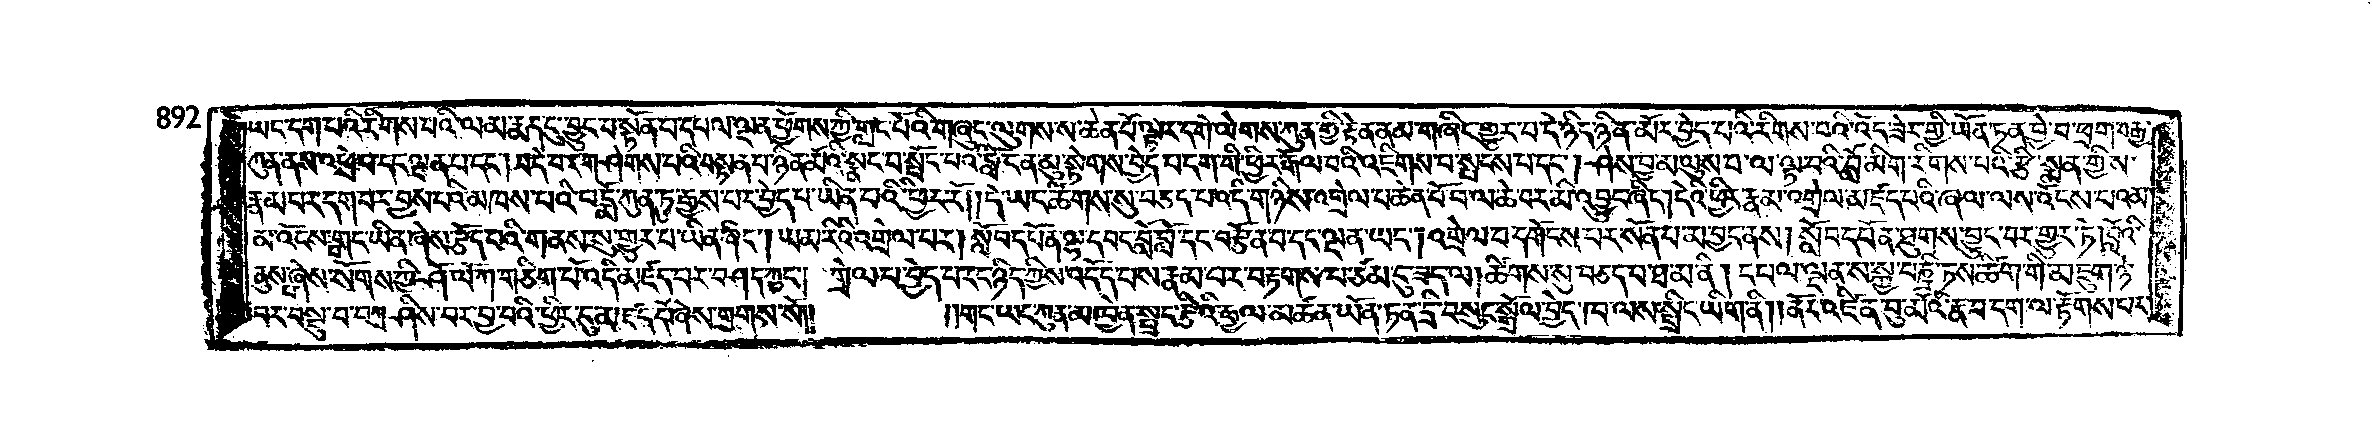ཡང་དག་པའི་རིགས་པའི་ལམ་རྨད་དུ་བྱུང་བ་སྟོན་པ་དཔལ་ལྡན་ཕྱོགས་ཀྱི་གླང་པོའི་གཞུང་ལུགས་ཆེན་པོ་ལྟར་དགེ་ལེགས་ཀུན་གྱི་རྟེན་ནམ་གཞིང་གྱུར་བ་དེ་ཉིད་ཉིན་མོར་བྱེད་པའི་རིགས་པའི་འོད་ཟེར་གྱི་ཡོན་ཏན་བྱེ་བ་ཕྲག་བརྒྱ་
ཀུན་ནས་འཕྲོ་བ་དང་ལྡན་པ་དང་། བདེ་བར་གཤེགས་པའི་བསྟན་པ་ཉིན་མོའི་སྣང་བ་སྤོང་བའི་བློ་ངན་མུ་སྟེགས་བྱེད་པ་དག་གི་ཕྱིར་རྒོལ་བའི་འཇིགས་པ་སྤངས་པ་དང་། ཤེས་བྱ་མ་ལུས་པ་ལ་ལྟར་བློཇ་མིག་རིགས་པའི་རྩི་སྨན་གྱིས་
རྣམ་པར་དག་པར་བྱས་པའི་མཁས་པའི་པད་མོར་ཀུན་ཏུ་རྒྱས་པར་བྱེད་པ་ཡིན་པའི་ཕྱིར་རོ། །དེ་ཡན་ཚིགས་སུ་བཅད་པ་འདི་གཉིས་འགྲེལ་བ་ཆེན་པོ་ཕལ་ཆེ་བར་མི་འབྱུང་ཞིང་། དེའི་ཕྱིར་རྣམ་འགྲེལ་མཛད་པའི་ཞལ་ལས་འོངས་པའམ་
མ་འོངས་པ་གང་ཡིན་ཞེས་རྩོད་པའི་གནས་སུ་གྱུར་པ་ཡིན་ཞིང་། ཡམ་རིའི་འགྲེལ་བར། སློབ་དཔོན་ལྷ་དབང་བློ་བློ་དང་བརྩོན་པ་དང་ལྡན་ཡང་། འགྲེལ་བ་དགོངས་པར་སོན་པ་མ་བྱང་ནས། སློབ་དཔོན་ཐུགས་བྱུང་བར་གྱུར་ཏེ། བློའི་
ནུས་པ་ཞེས་སོགས་ཀྱི་ཤོ་ལོ་ཀ་གཅིག་པོ་འདི་མཛད་པར་བཤད་ཀྱང་། འགྲེལ་བ་བྱེད་པ་རང་ཉིད་ཀྱིས་འདོད་པས་རྣམ་པར་བརྟགས་པ་ཙམ་དུ་ཟད་ལ། ཚིགས་སུ་བཅད་པ་ཐ་མ་ནི། དཔལ་ལྡན་ས་སྐྱ་པཎྚི་ཏས་ཚིག་གི་མཇུག་ཉེ་
བར་བསྡུ་བ་བཀར་ཤིས་བར་བྱ་བའི་ཕྱིར་དུ་མཛད་དོ་ཞེས་གྲགས་སོ། །གང་ཡང་ཀུན་མཁྱེན་སྦྲང་རྩིའི་རྒྱལ་མཚན་ཡོན་ཏན་དྲི་བསུང་སྒྲོལ་བྱེད་ཁ་ལས་སྤྲིང་ཡིག་ནི། །ནོར་འཛིན་བུ་མོའི་རྣ་བ་དག་ལ་རྟོགས་པར་